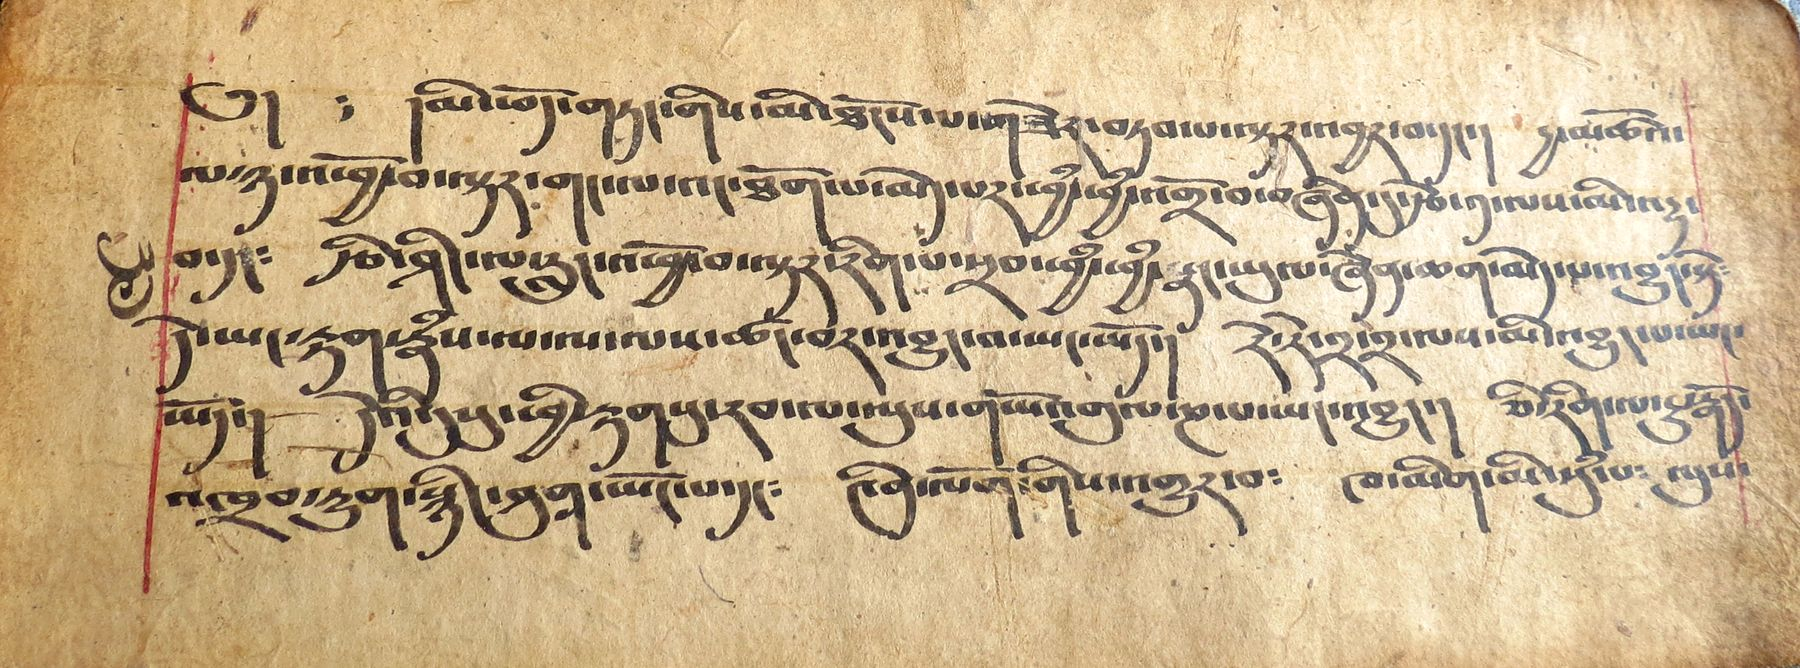མི་ཕོད་བཏང་གིས་མི་ཐོང་བ་གཟེར་བཏབ་པ་ལྟར་འབྱར་བ་དང་། རྒྱ་མཚོ་
ལ་ཉ་འཕྱོ་བ་ལྟར་གང་ལ་ཡང་ཐོགས་པ་མེད་པར་ཕྱམ་ཕྱམ་འགྲོ་བ་བཞིན་དུ་རྩེ་གཅིག་ལས་མི་འདའ་
བ་དང་། རྩི་ཤིང་ལ་རླུང་འཕྱོ་བ་ལྟར་རིག་པ་སྲབ་ཕྱམ་ཕྱམ་སྣང་ཡུལ་ལ་ཞེན་ཆགས་མེད་པ་འབྱུང་སྟེ།
 དེ་ཡང་རྟགས་རྣམས་ལ་ལ་ལ་ཚངས་པར་འབྱུང་བ་ཡང་ཡོད། རེ་རེ་གཉིས་གཉིས་ལས་མི་འབྱུང་བ་ཡང་
ཡོད། དེའི་དུས་སུ་ཕྱི་རྟགས་ལ་རབ་ལ་ལུས་གཡོ་འགུལ་མེད་པ་འབྱུང་། ཅི་རིགས་ལ་ངུ་རྒོད་
འཁྲབ་རྒྱུག་སྙིང་ཤུགས་འོང་བ་དང་། བཞིན་ལག་༼ལོག༽གིས་འགྱུར་བ་དང་། ཁ་མིག་མི་སུམ་པ་དང་། ལུས་